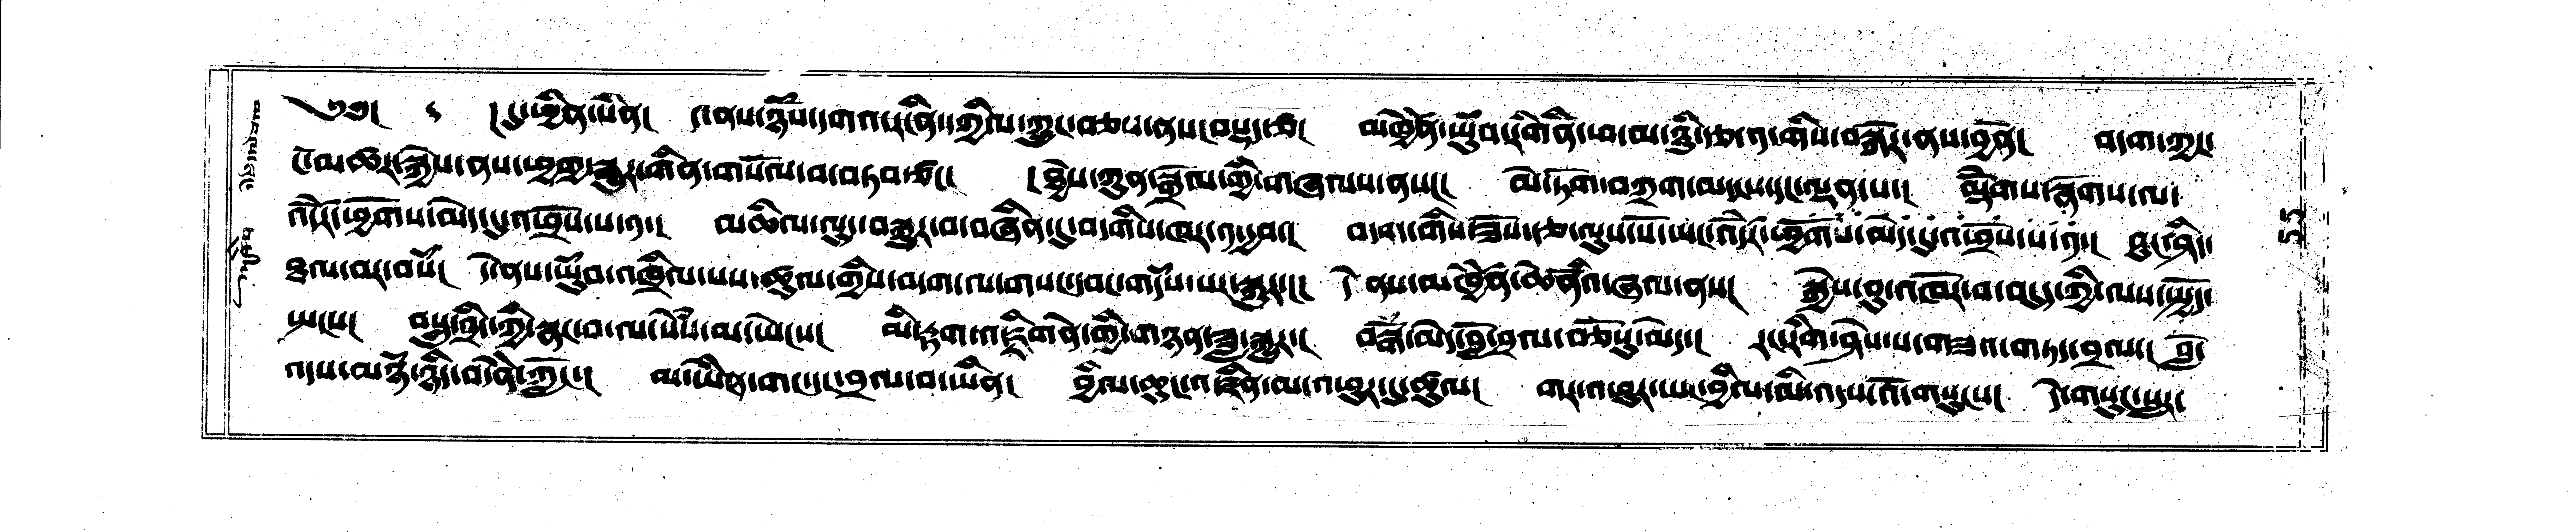དུ་ཕྱིན་ཡིན། ད་ནས་ཉམས་དགའ་རང་བཞིན་དཀྱིལ་ཀྲུང་བཅས་ནས་བསྡད་ཙ། མཁྱེན་བརྩེ་ཡབ་ཡུམ་རིག་འཛིན་ཕ་མ་ཉི་ཤུ་རྩ་གཅིག་གིས་བསྐོར་ནས་བྱོན། བདག་ཀྱང་
ངོ་མཚར་སྐྱེས་ནས་ཕྱག་རྒྱ་སྐུར་གིན་གསོལ་བ་བཏབ་ཙ། ཐུགས་རྗེ་ཀུན་སྒྲོལ་གྱི་གཞལ་ཡས་ནས། མེ་ཏོག་བཀྲག་མདངས་དང་ལྡན་པ། མེ་ཏོག་སྣ་ཚོགས་ལ་
འོད་ཟེར་ཕྱོགས་མེད་དུ་འཕྲོས་པ་གཅིག མཆིལ་ལུད་བསྐུར་བ་བཞིན་དུ་བདག་གིས་ཁར་གཅིག་རྒྱབ། བདག་གིས་ཟོས་རྩ་ལུས་པོ་ཡང་འོད་ཟེར་ཕྱོགས་མེད་དུ་འཕྲོས་པ་གཅིག འུང་ཤིང་
ཐལ་བར་བསམ། དེ་ནས་ཡབ་ཡུམ་འཁྲིལ་པའི་ཚུལ་གྱིས་བདག་ལ་གསང་དབང་གདམས་པར་བསྐུར། དེ་ནས་མཁྱེན་བརྩེ་ཆེན་པོའིཞལ་ནས། སྐྱེས་བུ་འཁོར་བ་བདུད་ཀྱི་ལས་སྤྱོད་སྤངས། བསླུ་བྲིད་ཀྱི་སྣང་བ་ལ་སེམས་མ་ཡེངས། མི་རྟག་འཇིག་རྟེན་གྱི་གཉན་ཟླ་སྒྱུར། བསྒོམ་མེད་བློ་བྲལ་བཅོས་སུ་མེད། རང་རིག་ཤེས་པ་གཟའ་གཏད་བྲལ། བློ་
འདས་མཉམ་ཉིད་བདེ་ཆེན་ཀློང་། མ་ཡིན་གང་དང་བྲལ་བ་ཡིན། བྱིལ་༼བྱིའུ༽ཆུང་འཛིན་མ་འཕུར་དུ་ཚུལ། གར་འཕུར་ཡང་བྱིལ་མི་འདས་འོ་གསུངས། དེ་གསུང་སླར་